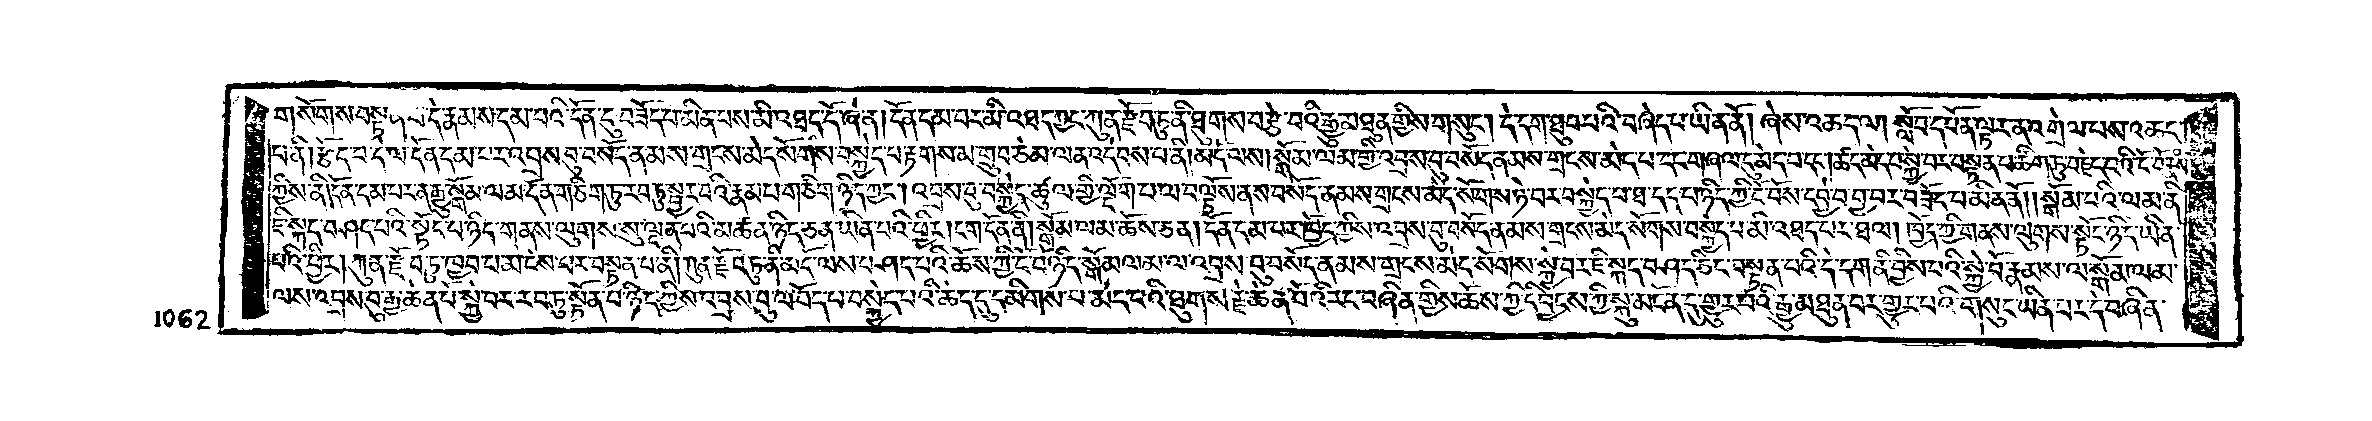གསོགས་བསྟན་པ་དེ་རྣམས་དམ་པའི་དོན་དུ་བཟོད་པ་མིན་པས་མི་འཐད་དོ་ཞེ་ན། དོན་དམ་པར་མི་འཐད་ཀྱང་ཀུན་རྫོབ་ཏུ་ནི་ཐུགས་བརྩེ་བའི་རྒྱུ་མཐུན་གྱིས་གསུང་། དེ་དག་ཐུབ་པའི་བཞེད་པ་ཡིན་ནོ། ཞེས་འཆད་ལ། སློབ་དཔོན་ལྟར་ན་འགྲེལ་བས་འཆད་
པ་ནི། རྩོད་པ་དེ་ལ་དོན་དམ་པར་འབྲས་བུ་བསོད་ནམས་གྲངས་མེད་སོགས་བསྐྱེད་པ་རྟགས་མ་གྲུབ་ཙམ་ལན་འདེབས་པ་ནི། མདོ་ལས། སྒོམ་ལམ་གྱི་འབྲས་བུ་བསོད་ནམས་གྲངས་མེད་པ་དང་གཞལ་དུ་མེད་པ་དང་། ཚད་མེད་པ་སྐྱེ་བར་བསྟན་པ་ཚིག་ཏུ་བརྗེད་པའི་ངོ་བོ་རྣམས་
ཀྱིས་ནི། དོན་དམ་པར་ན་རྒྱུ་སྒོམ་ལམ་དོན་གཅིག་ཏུ་རབ་ཏུ་སྦྱར་བའི་རྣམ་པ་གཅིག་ཉིད་ཀྱང་། འབྲས་བུ་བསྐྱེད་ཚུལ་གྱི་ལྡོག་པ་ལ་བལྟོས་ནས་བསོད་ནམས་གྲངས་མེད་སོགས་ཉེ་བར་བསྐྱེད་པ་ཐ་དད་པ་ཉིད་ཀྱི་ངོ་བོས་དབྱེ་བ་བྱ་བར་བཟོད་པ་མིན་ནོ། །སྒོམ་པའི་ལམ་ནི་
ཇི་སྐད་བཤད་པའི་སྟོང་པ་ཉིད་གནས་ལུགས་སུ་ལྡན་པའི་མཚན་ཉིད་ཅན་ཡིན་པའི་ཕྱིར། ངག་དོན་ནི། སྒོམ་ལམ་ཆོས་ཅན། དོན་དམ་པར་ཁྱོད་ཀྱིས་འབྲས་བུ་བསོད་ནམས་གྲངས་མེད་སོགས་བསྐྱེད་པ་མི་འཐད་པར་ཐལ། ཁྱོད་ཀྱི་གནས་ལུགས་སྟོང་ཉིད་ཡིན་
པའི་ཕྱིར། ཀུན་རྫོབ་ཏུ་ཁྱབ་པ་མ་ངེས་པར་བསྟན་པ་ནི། ཀུན་རྫོབ་ཏུ་ནི་མདོ་ལས་བཤད་པའི་ཆོས་ཀྱི་ངོ་བོ་ཉིད་སྒོམ་ལམ་ལ་འབྲས་བུ་བསོད་ནམས་གྲངས་མེད་སོགས་སྐྱེ་བར་ཇི་སྐད་བཤད་ཅིང་བསྟན་པའི་དེ་དག་ནི་བྱིས་པའི་སྐྱེ་བོ་རྣམས་ལ་སྒོམ་ལམ་
ལས་འབྲས་བུ་རྒྱ་ཆེན་པོ་སྐྱེ་བར་རབ་ཏུ་སྟོན་པ་ཉིད་ཀྱིས་འབྲས་བུ་ལ་བོད་པ་བསྐྱེད་པའི་ཆེད་དུ་དམིགས་པ་མེད་པའི་ཐུགས་རྗེ་ཆེན་པོའི་རང་བཞིན་གྱིས་ཆོས་ཀྱི་དབྱིངས་ཀྱི་སྐུ་མངོན་དུ་གྱུར་པའི་རྒྱུ་མཐུན་པར་གྱུར་བའི་གསུང་ཡིན་པར་དེ་བཞིན་